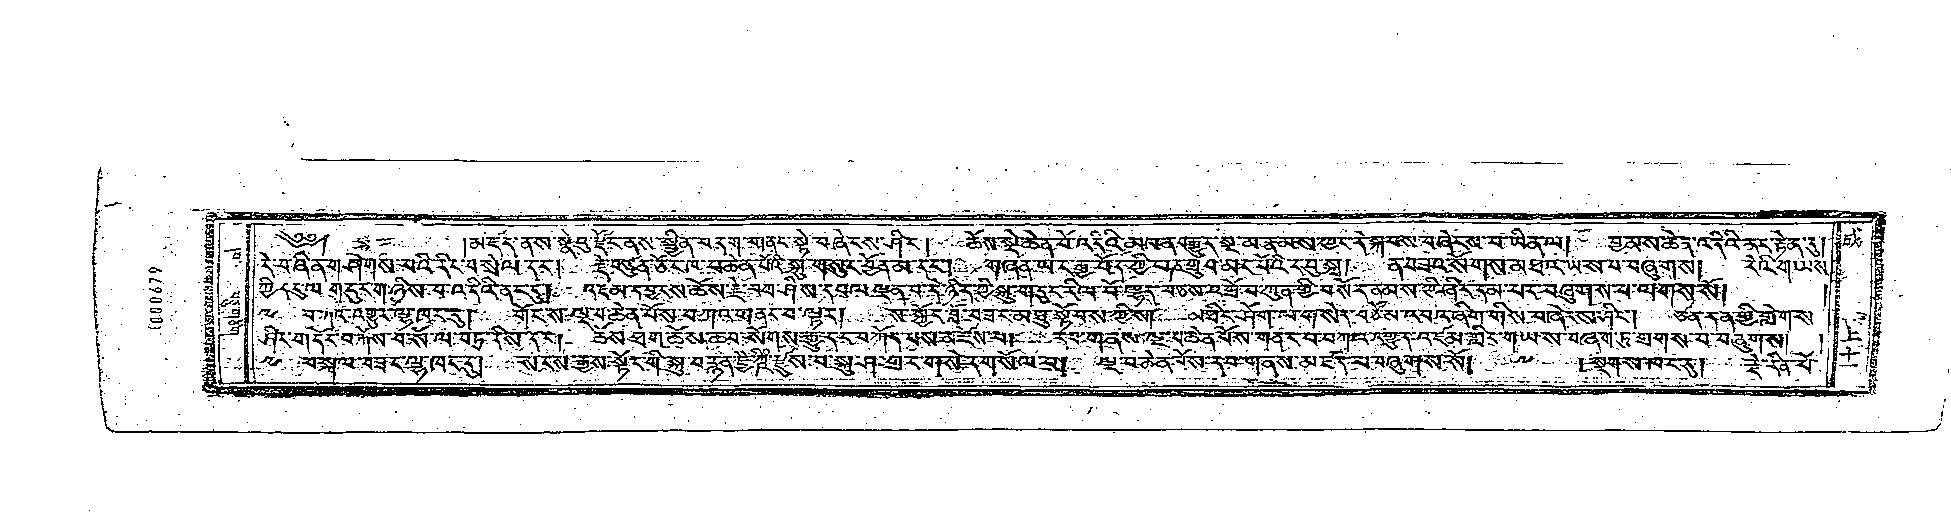༄༅། །མཛད་ནས་སྣེའུ་རྫོང་ནས་སྦྱིན་བདག་གནང་སྟེ་བཞེངས་ཤིང་། ཆོས་སྡེ་ཆེན་པོ་འདིའི་མཁན་བརྒྱུད་སྔ་མ་རྣམས་ཀྱང་དེ་སྐབས་བཞེངས་པ་ཡིན་ལ། བྱམས་ཆེན་འདིའི་ནང་རྟེན་དུ།
དེ་བཞིན་གཤེགས་པའི་རིང་བསྲེལ་དང་། རྗེ་བཙུན་ཙོང་ཁ་པ་ཆེན་པོའི་སྐུ་གསུང་བྱོན་མ་དང་། གཞན་ཡང་རྒྱ་བོད་ཀྱི་པཎ་གྲུབ་མང་པོའི་དབུ་སྐྲ། ན་བཟའ་སོགས་མཐའ་ཡས་པ་བཞུགས། དེའི་གཡས་
ཀྱི་དངུལ་གདུང་གཉིས་བ་འདིའི་ནང་དུ། འཇམ་དབྱངས་ཆོས་རྗེ་བཀྲ་ཤིས་དཔལ་ལྡན་པ་དེ་ཉིད་ཀྱི་སྐུ་གདུང་རིལ་པོ་ལྷར་བཅས་འགྲོ་བ་ཀུན་གྱི་བསོད་ནམས་ཀྱི་ཞིང་དམ་པར་བཞུགས་པ་ལགས་སོ། །
༧་བཀའ་འགྱུར་ལྷ་ཁང་དུ། གོང་ས་ལྔ་པ་ཆེན་པོས་བཀའ་གནང་བ་ལྟར། ས་སྐྱོང་བློ་བཟང་མཐུ་སྟོབས་ཀྱིས། མཐིང་ཤོག་ལ་གསེར་བཙོམ་འབའ་ཞིག་གིས་བཞེངས་ཤིང་། ཙན་དན་གྱི་གླེགས་
ཤིང་གདོང་བརྐོས་བ་སོ་ལ་བཏྲ་རིས་དང་། ཆོས་ཐག་ཆོས་ཆབ་སོགས་རྒྱུ་དང་བཀོད་པས་མཛེས་པ། རབ་གནས་ལྔ་པ་ཆེན་པོས་གནང་བ་བཀའ་འགྱུར་འཛམ་གླིང་གཡས་བཞག་ཏུ་གྲགས་པ་བཞུགས། །
༧་བསྐལ་བཟང་ལྷ་ཁང་དུ། སངས་རྒྱས་སྟོང་གི་སྐུ་བརྙན་ཛྱཻ་ཀྵིཾ་རྫུས་པ་སྐུ་ཤ་གྲང་གསེར་གསོལ་བ། ལྔ་པ་ཆེན་པོས་རབ་གནས་མཛད་པ་བཞུགས་སོ། ༧་།སྔགས་ཁང་དུ། རྗེ་རིན་པོ་